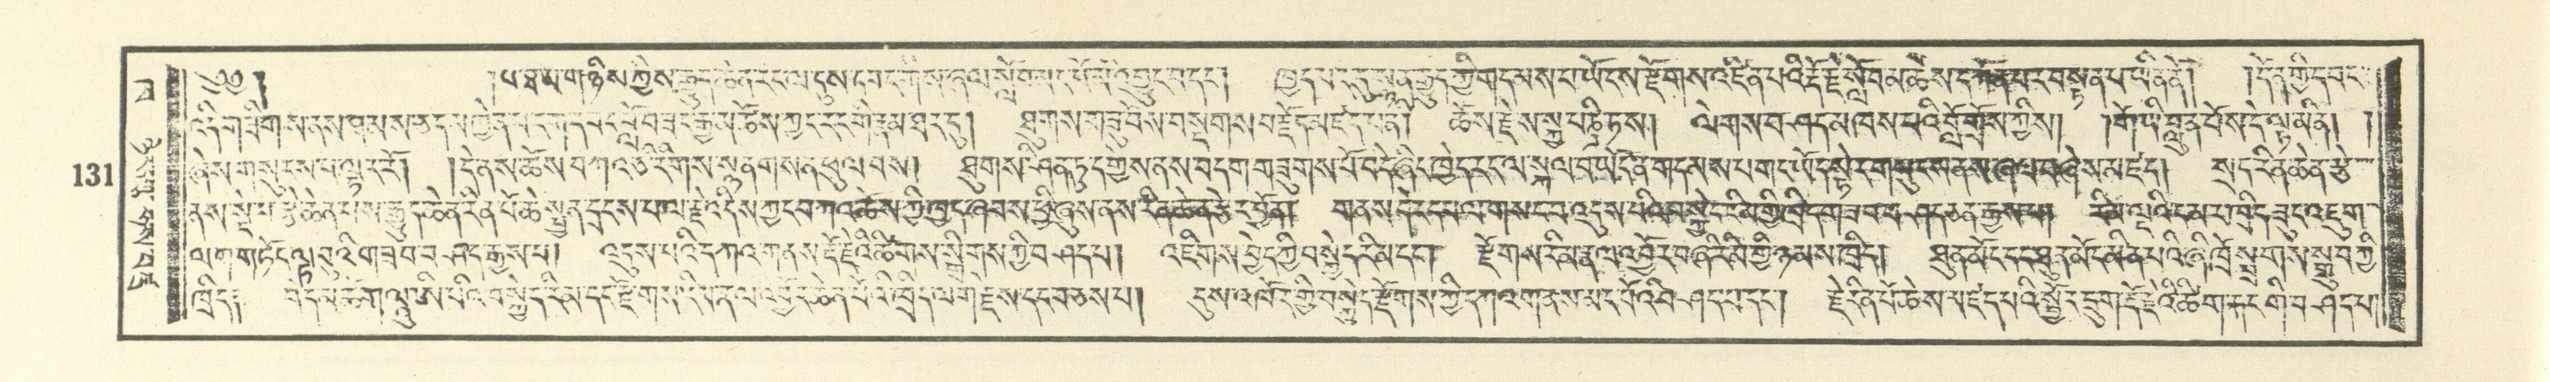༄༅། །པ་ཐ་མ་གཉིས་ཀྱིས་རྒྱུད་ཆེན་རང་ལ་དུས་དབང་གིས་ཞལ་སློབ་མང་པོ་མི་འབྱུང་བ་དང་། ཁྱད་པར་དུ་སྙན་རྒྱུད་ཀྱི་གདམས་པ་ཡོངས་རྫོགས་འཛིན་པའི་རྡོ་རྗེ་སློབ་མ་ཆེས་དཀོན་པར་བསྟན་པ་ཡིན་ནོ། །དོན་གྱི་དབང་
འདི་གཟིགས་ནས་ཐམས་ཅད་མཁྱེན་པ་ངག་དབང་བློ་བཟང་རྒྱ་མཚོས་ཀྱང་རང་གི་རྣམ་ཐར་དུ། ཐུགས་གཟུ་བོས་བསྔགས་བརྗོད་མཛད་པ་ནི། ཆོས་རྗེས་སྐྱ་པཎྜི་ཏས། ལེགས་བཤད་མཁས་པའི་བློ་གྲོས་ཀྱིས། །གོ་ཡི་བླུན་པོས་དེ་ལྟ་མིན། །
ཞེས་གསུངས་པ་ལྟར་རོ། །དེ་ནས་ཆོས་བཀའ་ཅི་རིགས་སྙན་གསན་ཕུལ་བས། ཐུགས་ཤིན་ཏུ་དགྱེས་ནས་བདག་གཟུགས་པོ་བདེ་ཞིང་ཁྱེད་རང་ལ་སྐལ་བ་ཡོད་ན་གདམས་པ་གང་ཡོད་སྟེར་གསུངས་ནས་ཞལ་བཞེས་མཛད། སྲད་རིན་ཆེན་རྩེ་
ནས་སྡེ་པ་རྩེ་ཆེན་པས་རྒྱུད་ཆེན་རིན་པོ་ཆེ་སྤྱན་དྲངས་པ་ལ་རྗེ་འདིས་ཀྱང་བཀའ་ཆོས་ཀྱི་ཁྱད་ཞབས་ཕྱི་ཞུས་ནས་རིན་ཆེན་རྩེར་བྱོན། གནས་དེར་དཔལ་གསང་བ་འདུས་པའི་བསྐྱེད་རིམ་གྱི་ཁྲིད་གཟབ་བཤད་ཅན་རྒྱས་པ། རིམ་ལྔའི་དམར་ཁྲིད་ཟུང་འཇུག་
ལག་གཏོང་ལྟ་བུའི་གཟབ་བཤད་རྒྱས་པ། འདུས་པའི་དཀའ་གནས་རྡོ་རྗེའི་ཚིགས་སྒྲིགས་ཀྱི་བཤད་པ། འཇིགས་བྱེད་ཀྱི་བསྐྱེད་རིམ་དང་། རྫོགས་རིམ་རྣལ་འབྱོར་བཞི་རིམ་གྱི་ཉམས་ཁྲིད། ཐུན་མོང་དང་ཐུན་མོང་མིན་པའི་ཞི་ཁྲོ་སྦྲགས་སྒྲུབ་ཀྱི་
ཁྲིད༑ བདེ་མཆོག་ལཱུ་ཨི་པའི་བསྐྱེད་རིམ་དང་རྫོགས་རིམ་རྣལ་འབྱོར་ཆེན་པོའི་ཁྲིད་ལག་རྗེས་དང་བཅས་པ། དུས་འཁོར་གྱི་བསྐྱེད་རྫོགས་ཀྱི་དཀའ་གནས་མང་པོའི་བཤད་པ་དང་། རྗེ་རིན་པོ་ཆེས་མཛད་པའི་སྦྱོར་དྲུག་རྡོ་རྗེའི་ཚིག་རྐང་གི་བཤད་པ།